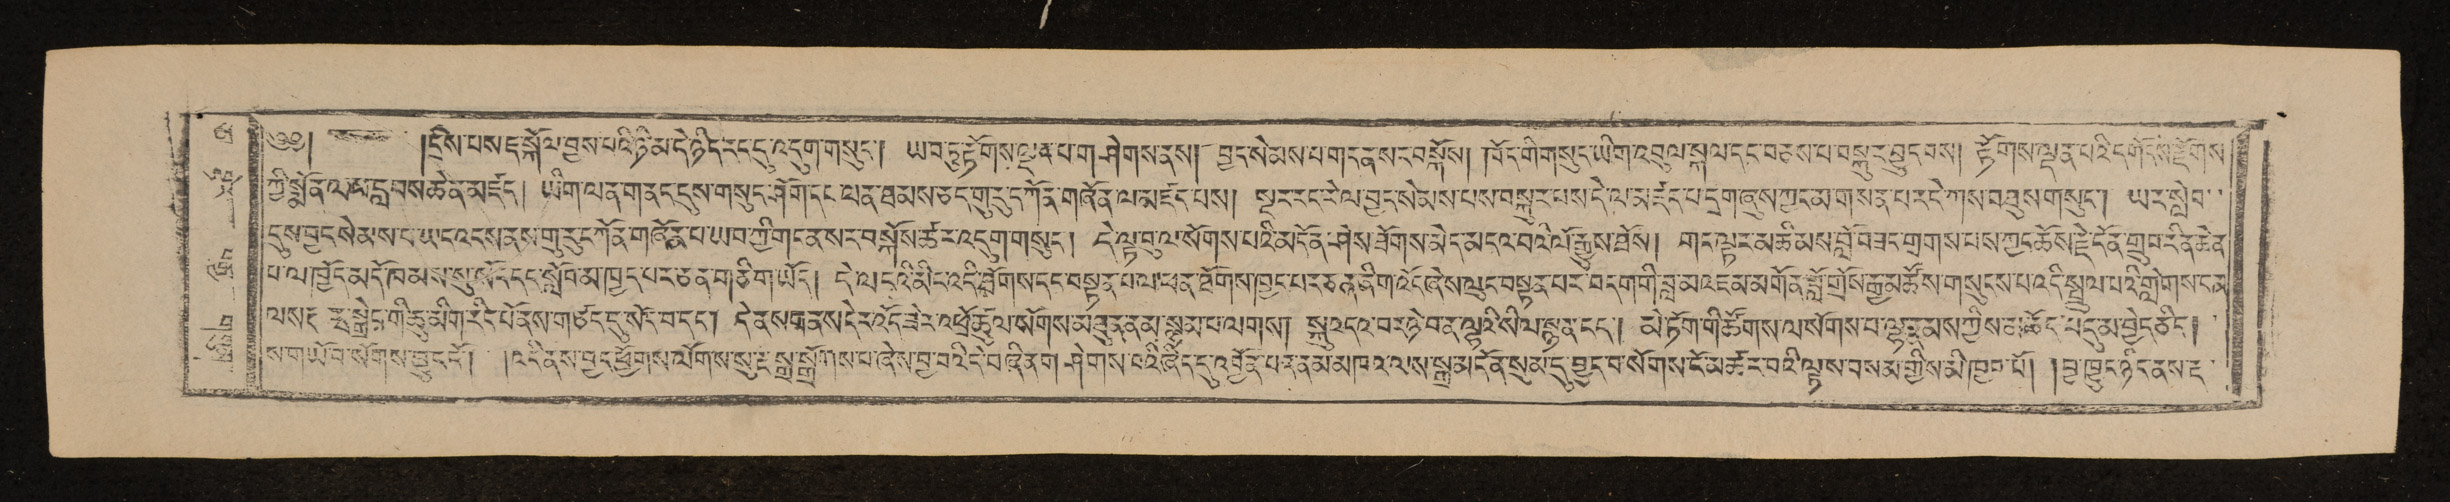༄༅། །དྲིས་པས་ཇ་སྐོལ་བྱས་པའི་ཉི་མ་དེ་ཉིད་རང་དུ་འདུག་གསུང་། ཡབ་ཏུ་རྟོགས་ལྡན་པ་གཤེགས་ནས། བྱང་སེམས་པ་གདན་སར་བསྐོས། ཁོང་གི་གསུང་ཡིག་འབུལ་སྐལ་དང་བཅས་པ་བསྐུར་བྱུང་བས། རྟོགས་ལྡན་པའི་དགོངས་རྫོགས་
ཀྱི་སྨོན་ལམ་རླབས་ཆེན་མཛད། ཡིག་ལན་གནང་དུས་གསུང་ཤོག་དང་ལན་ཐམས་ཅད་གུ་རུ་དཀོན་གཞོན་ལ་མཛད་པས། སྔར་རང་རེ་ལ་བྱང་སེམས་པས་བསྐུར་པས་དེ་ལ་མཛད་པ་དྲག་ཞུས་ཀྱང་མ་གསན་པར་དེ་ཀས་འཐུས་གསུང་། ཡར་སླེབ་
དུས་བྱང་སེམས་པ་ཡང་འདས་ནས་གུ་རུ་དཀོན་གཞོན་པ་ཡབ་ཀྱི་གདན་སར་བསྐོས་ཚར་འདུག་གསུང་། དེ་ལྟ་བུ་ལ་སོགས་པའི་མངོན་ཤེས་ཐོགས་མེད་མངའ་བའི་ལོ་རྒྱུས་ཐོས། གང་ལྟར་མཆིམས་བློ་བཟང་གྲགས་པས་ཀྱང་ཆོས་རྗེ་དོན་གྲུབ་རིན་ཆེན་
པ་ལ་ཁྱོད་མདོ་ཁམས་སུ་སོང་དང་སློབ་མ་ཁྱད་པར་ཅན་གཅིག་ཡོད། དེ་ལ་ངའི་མིང་འདི་ཐོགས་དང་བསྟན་པ་ལ་ཕན་ཐོགས་ཁྱད་པར་ཅན་ཞིག་འོང་ཞེས་ལུང་བསྟན་པར་བདག་གི་བླ་མ་འཇམ་མགོན་བློ་གྲོས་རྒྱ་མཚོས་གསུངས་པ་འདི་སྤྲུལ་པའི་གླེགས་བམ་
ལས༑ རྭ་སྒྲེང་གི་ཆུ་མིག་རིང་པོ་ནས་གཙང་དུ་སོང་བ་དང་། དེ་ནས་གནས་དེར་འོད་ཟེར་འཕྲོ་ཚུལ་སོགས་མཐུན་ནམ་སྙམ་པ་ལགས། སྐུ་འདའ་བར་ཉེ་བ་ན་ལྷའི་སིལ་སྙན་དང་། མེ་ཏོག་གི་ཚོགས་ལ་སོགས་པ་ལྷ་རྣམས་ཀྱིས་མཆོད་པ་དུ་མ་བྱེད་ཅིང་།
ས་གཡོ་བ་སོགས་བྱུང་ངོ། །འདི་ནས་བྱང་ཕྱོགས་ལོགས་སུ་རྔ་སྒྲ་སྒྲོགས་པ་ཞེས་བྱ་བའི་དེ་བཞིན་གཤེགས་པའི་ཞིང་དུ་འབྱོན་པར་ནམ་མཁའ་ལས་སྒྲ་མངོན་སུམ་དུ་བྱུང་བ་སོགས་ངོ་མཚར་བའི་ལྟས་བསམ་གྱིས་མི་ཁྱབ་པོ། །བྱ་ཁྱུང་ཉིད་ནས་རྔ་